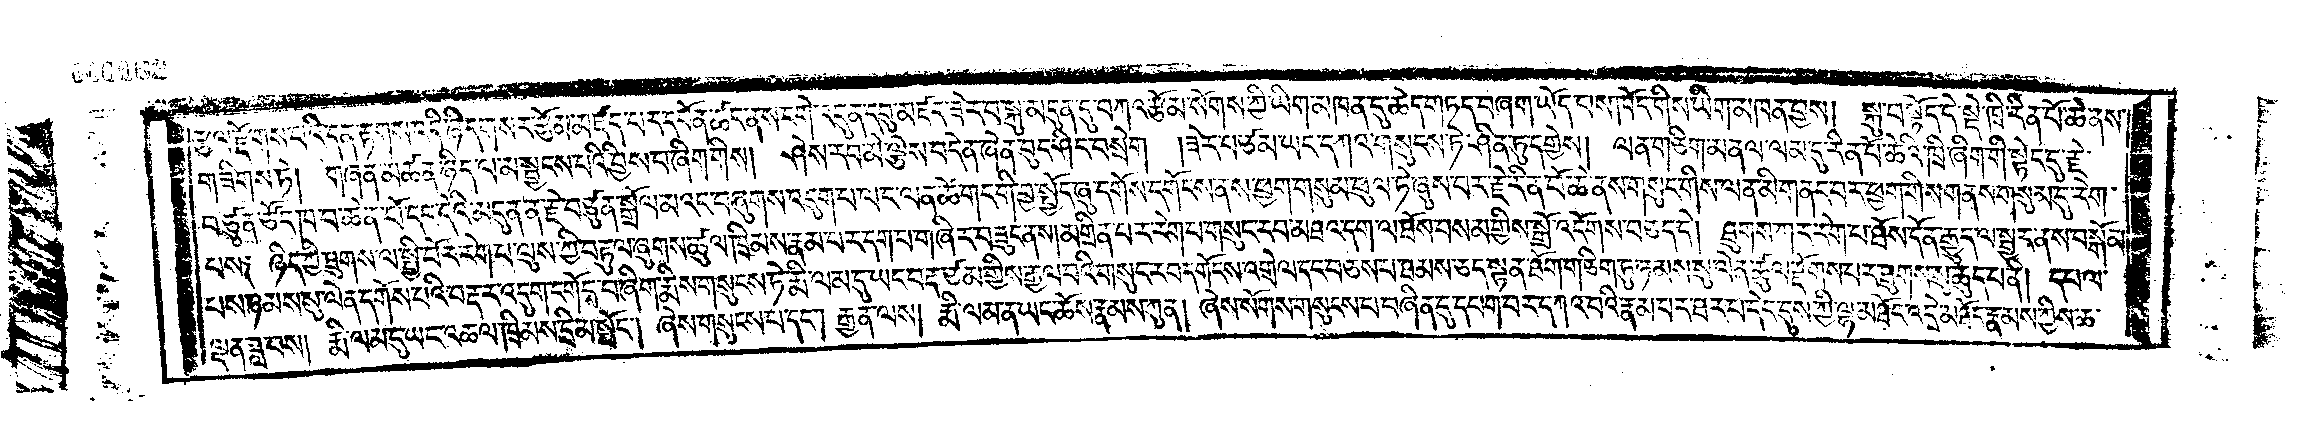རྩལ་རྫོགས་པའི་དན་རྟགས་འདི་ཉིད་གསར་རྩོམ་མཛད་བར་དཔོན་ཚང་ནས་དགེ་འདུན་དབུ་མཛད་ཟེར་བ་སྐུ་མདུན་དུ་བཀའ་རྩོམ་སོགས་ཀྱི་ཡིག་མཁན་དུ་ཆེད་གཏད་བཞག་ཡོད་པས་ཁོང་གིས་ཡིག་མཁན་བྱས། སྐུ་བསྟོད་དེ་སྡེ་ཁྲི་རིན་པོ་ཆེ་ནས་
གཟིགས་ཏེ། གཞན་མཚན་ཉིད་ལ་མ་སྦྱངས་པའི་བྱིས་པ་ཞིག་གིས། ཤེས་རབ་མེ་ལྕེས་བདེན་ཞེན་བུང་ཤིང་བསྲེག །ཟེར་བ་ཙམ་ཡང་དཀའ་གསུངས་ཏེ་ཤིན་ཏུ་དགྱེས། ལན་གཅིག་མནལ་ལམ་དུ་རིན་པོ་ཆེའི་ཁྲི་ཞིག་གི་སྟེང་དུ་རྗེ་
བཙན་ཙོང་ཁ་པ་ཆེན་པོ་དང་དེའི་མདུན་ན་རྗེ་བཙུན་སྒྲོལ་མའང་བཞུགས་འདུག་པ་ལ་ང་ལན་ཚེ་གང་གི་བྱ་སྤྱོད་ཞུ་དགོས་དགོངས་ནས་ཕྱག་གསུམ་ཕུལ་ཏེ་ཞུས་པར་རྗེ་རིན་པོ་ཆེ་ནས་གསུང་གིས་ལན་མི་གནང་བར་ཕྱག་གིས་གནས་གསུམ་དུ་རེག་
བས༑ ཉིད་ཀྱི་ཐུགས་ལ་སྤྱི་བོར་རེག་པ་ལུས་ཀྱི་བརྟུལ་ཞུགས་ཚུལ་ཁྲིམས་རྣམ་པར་དག་པ་གཞིར་བཟུང་ནས། མགྲིན་པར་རེག་པ་གསུང་རབ་མཐའ་དག་ལ་ཐོས་བསམ་གྱིས་སྒྲོ་འདོགས་བཅད་དེ། ཐུགས་ཀར་རེག་པ་ཐོས་དོན་རྒྱུད་ལ་སྤྱར་ནས་བསྒོམ་
པས་ཉམས་སུ་ལེན་དགོས་པའི་བརྡར་འདུག་དགོངས་པ་ཞིག་རྨིས་གསུངས་ཏེ་རྨི་ལམ་དུ་ཡང་བརྡ་ཙམ་གྱིས་རྒྱལ་བའི་གསུང་རབ་དགོངས་འགྲེལ་དང་བཅས་པ་ཐམས་ཅད་སྟན་ཐོག་གཅིག་ཏུ་ཉམས་སུ་ལེན་ཚུལ་རྫོགས་པར་ཐུགས་སུ་ཆུད་པ་ནི། དཔལ་
ལྡན་ཟླ་བས། རྨི་ལམ་དུ་ཡང་འཆལ་ཁྲིམས་དྲི་མ་སྤོང་། ཞེས་གསུངས་པ་དང་། རྒྱན་ལས། རྨི་ལམ་ན་ཡང་ཆོས་རྣམས་ཀུན། ཞེས་སོགས་གསུངས་པ་བཞིན་དུ་དཔག་པར་དཀའ་བའི་རྣམ་པར་ཐར་པ་དེང་དུས་ཀྱི་ལྷ་མཐོང་འདྲེ་མཐོང་རྣམས་ཀྱིས་ཆ་